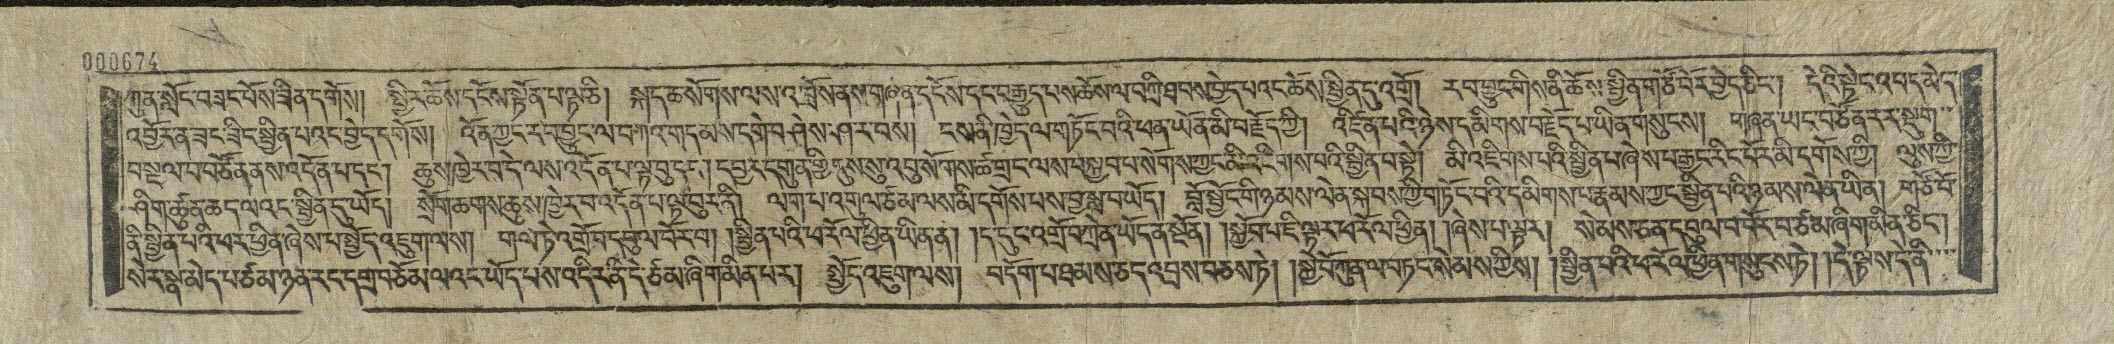ཀུན་སློང་བཟང་པོས་ཟིན་དགོས། སྤྱིར་ཆོས་དངོས་སྟོན་པ་ལྟ་ཅི། སྐད་ཆ་སོགས་ལས་འཕྲོས་ནས་གཞན་དངོས་དང་བརྒྱུད་པས་ཆོས་ལ་བཀྲི་ཐབས་བྱེད་པའང་ཆོས་སྦྱིན་དུ་འགྲོ། རབ་བྱུང་གིས་ནི་ཆོས་སྦྱིན་གཙོ་བོར་བྱེད་ཅིང་། དེའི་སྟེང་འབད་མེད་
འབྱོར་ན་ཟང་ཟིང་སྦྱིན་པའང་བྱེད་དགོས། འོན་ཀྱང་རབ་བྱུང་ལ་བཀའ་གདམས་དགེ་བཤེས་ཤ་ར་བས། ངས་ནི་ཁྱེད་ལ་གཏོང་བའི་ཕན་ཡོན་མི་བརྗོད་ཀྱི། འཛིན་པའི་ཉེས་དམིགས་བརྗོད་པ་ཡིན་གསུངས། གཞན་ཡང་བཙོན་རར་སྡུག་
བསྔལ་བ་བཙོན་ནས་འདོན་པ་དང་། ཆུས་ཁྱེར་བ་དེ་ལས་འདོན་པ་ལྟ་བུ་དང་། དབྱར་དགུན་གྱི་དུས་སུ་འབུ་སོགས་ཚ་གྲང་ལས་བསྐྱབ་པ་སོགས་ཀྱང་མི་འཇིགས་པའི་སྦྱིན་པ་སྟེ། མི་འཇིགས་པའི་སྦྱིན་པ་ཞེས་པ་རྒྱང་རིང་པོར་མི་དགོས་ཀྱི། ལུས་ཀྱི་
ཤིག་ཚུན་ཆད་ལའང་སྦྱིན་དུ་ཡོད། སྲོག་ཆགས་ཆུས་ཁྱེར་བ་འདོན་པ་ལྟ་བུར་ནི། ལག་པ་འགུལ་ཙམ་ལས་མི་དགོས་པས་བྱ་སླ་བ་ཡོད། བློ་སྦྱོང་གི་ཉམས་ལེན་སྐབས་ཀྱི་གཏོང་བའི་དམིགས་པ་རྣམས་ཀྱང་སྦྱིན་པའི་ཉམས་ལེན་ཡིན། གཙོ་བོ་
ནི་སྦྱིན་པའི་ཕར་ཕྱིན་ཞེས་པ་སྤྱོད་འཇུག་ལས། གལ་ཏེ་འགྲོ་བ་དབུལ་བོར་བ། །སྦྱིན་པའི་ཕ་རོལ་ཕྱིན་ཡིན་ན། །ད་དུང་འགྲོ་བཀྲེན་ཡོད་ན་སྔོན། །སྐྱོབ་པ་ཇི་ལྟར་ཕ་རོལ་ཕྱིན། །ཞེས་པ་ལྟར། སེམས་ཅན་དབུལ་བ་བོར་བ་ཙམ་ཞིག་མིན་ཅིང་།
སེར་སྣ་མེད་པ་ཙམ་ཉན་རང་དགྲ་བཅོམ་ལའང་ཡོད་པས་འདིར་ནི་དེ་ཙམ་ཞིག་མིན་པར། སྤྱོད་འཇུག་ལས། བདོག་པ་ཐམས་ཅད་འབྲས་བཅས་ཏེ། །སྐྱེ་བོ་ཀུན་ལ་བཏང་སེམས་ཀྱིས། །སྦྱིན་པའི་ཕ་རོལ་ཕྱིན་གསུངས་ཏེ། །དེ་ལྟས་དེ་ནི་